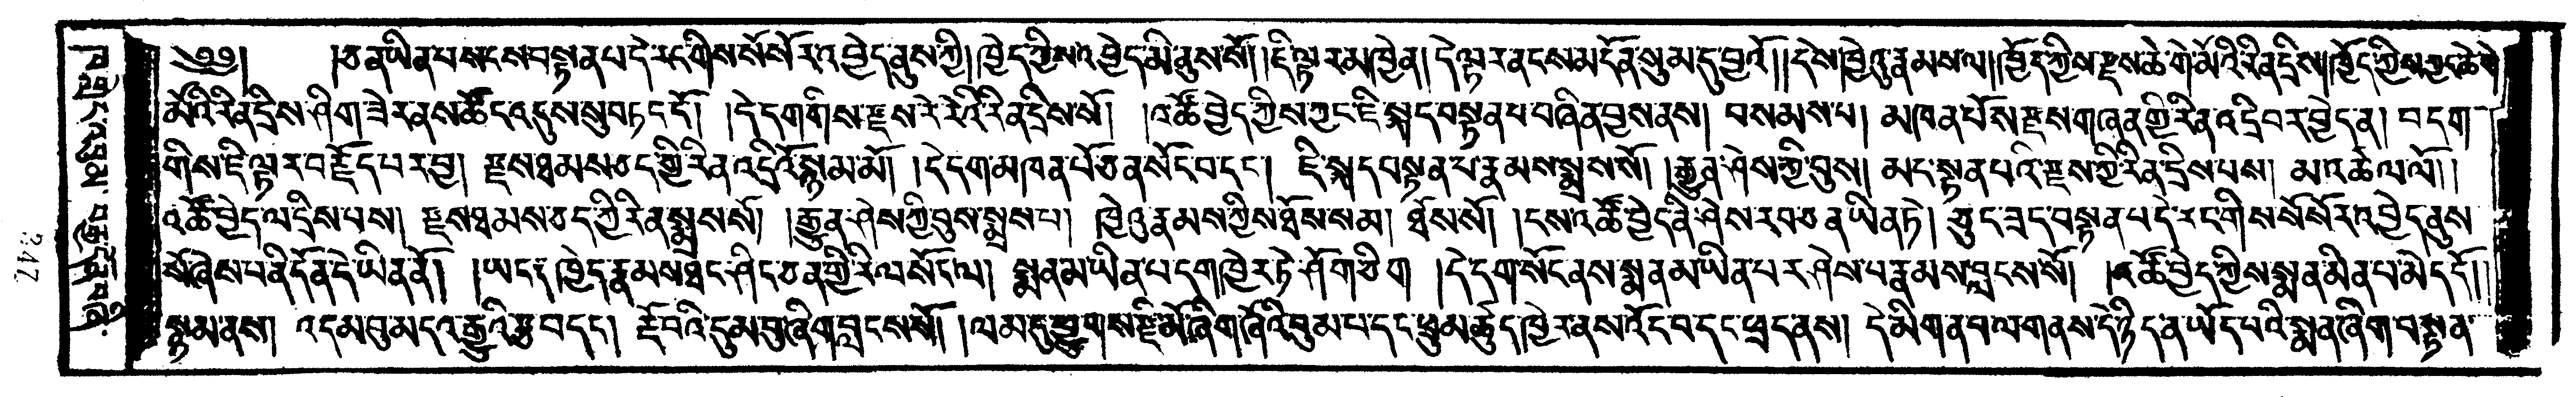༄༅། །ཅན་ཡིན་པ་སངས་བསྟན་པ་དེ་རང་གིས་སོ་སོར་འབྱེད་ནུས་ཀྱི། ཁྱེད་ཀྱིས་འབྱེད་མི་ནུས་སོ། །ཇི་ལྟར་མཁྱེན། དེ་ལྟར་མཁྱེན། དེ་ལྟར་ནངས་མངོན་སུམ་དུ་བྱའོ།། དེས་ཁྱེའུ་རྣམས་ལ། ཁྱོད་ཀྱིས་རྫས་ཆེ་གེ་མོའི་རིན་དྲིས། ཁྱོད་ཀྱིས་ཀྱང་ཆེ་གེ་
མོའི་རིན་དྲིས་ཤིག་ཟེར་ནས་ཚོང་འདུས་སུ་བཏང་ངོ། །དེ་དག་གིས་རྫས་རེ་རེའི་རིན་དྲིས་སོ། །འཚོ་བྱེད་ཀྱིས་ཀྱང་ཇི་སྐད་བསྟན་པ་བཞིན་བྱས་ནས། བསམས་པ། མཁན་པོས་རྫས་གཞན་གྱི་རིན་འདྲི་བར་བྱེད་ན། བདག་
གིས་ཇི་ལྟར་བརྗོད་པར་བྱ། རྫས་ཐམས་ཅད་གྱི་རིན་འདྲིའོ་སྙམ་མོ། །དེ་དག་མཁན་པོ་ཅན་སོང་བ་དང་། ཇི་སྐད་བསྟན་པ་རྣམས་སྨྲས་སོ། །རྒྱུན་ཤེས་ཀྱི་བུས། མང་སྟན་པའི་རྫས་ཀྱི་རིན་དྲིས་པས། མ་འཚལ་ལོ།།
འཚོ་བྱེད་ལ་དྲིས་པས། རྫས་ཐམས་ཅད་ཀྱི་རིན་སྨྲས་སོ། །རྒྱུན་ཤེས་ཀྱི་བུས་སྨྲས་པ། ཁྱེའུ་རྣམས་ཀྱིས་ཐོས་སམ། ཐོས་སོ། །ངས་འཚོ་བྱེད་ནི་ཤེས་རབ་ཅན་ཡིན་ཏེ། ཅུང་ཟད་བསྟན་པ་དེ་རང་གིས་སོ་སོར་འབྱེད་ནུས་
སོ་ཞེས་པ་ནི་དོན་དེ་ཡིན་ནོ། ཡང་༑ ཁྱེད་རྣམས་ཐང་ཤིང་ཅན་གྱི་རིལ་སོང་ལ། སྨན་མ་ཡིན་པ་དག་ཁྱེར་ཏེ་ཤོག་ཅིག །དེ་དག་སོང་ནས་སྨན་མ་ཡིན་པར་ཤེས་པ་རྣམས་བླངས་སོ། །འཚོ་བྱེད་ཀྱིས་སྨན་མིན་པ་མེད་དོ།།
སྙམ་ནས། འདམ་བུ་མདའ་རྒྱུའི་རྩ་བ་དང་། རྡོ་བའི་དུམ་བུ་ཞིག་བླངས་སོ། །ལམ་དུ་ཕྱུགས་རྫི་མོ་ཞིག་ཞོའི་བུམ་པ་དང་ཕྲུམ་ཚུད་ཁྱེར་ནས་འོང་བ་དང་ཕྲད་ནས། དེ་མིག་ན་བ་ལ་གནས་དེ་ཉིད་ན་ཡོད་པའི་སྨན་ཞིག་བསྟན་